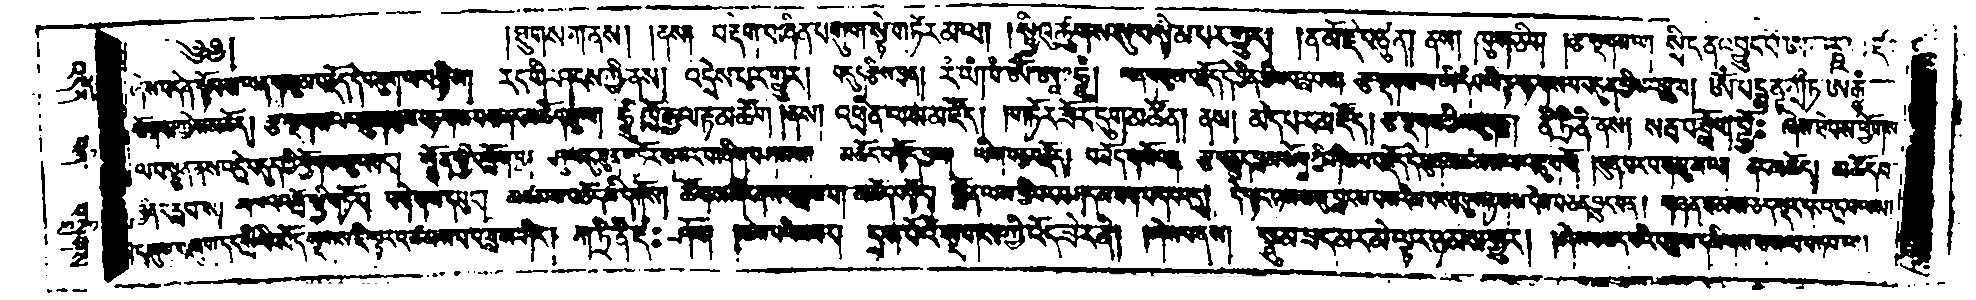༄༅། །ཐུགས་ཀ་ནས། །ནས།  བརྡེག་བཞིན་པ་གུག་སྟེ་གཏོར་མ་ལ། །སྤྱིའུ་ཚུགས་སུ་བསྟིམ་པར་གྱུར། །ན་མོ་རྗེ་བཙུན། ནས། ཁུག་ཅིག ། རྩ་སྔགས་ལ།  སྲིང་ན་འབྱུང་པོ་ཨ་ཀརྵྲ་ཡ་ཛཿ
ཞེས་བདེན་སྟོབས་ལན་གསུམ་བརྗོད་དེ་བགུག་ལ་བསྟིམ།  རང་གི་ཤངས་ཀྱི་ནས། འདྲེས་པར་གྱུར། བདུད་རྩིས་བྲན།  རཾ་ཡཾ་ཁཾ་ཨོཾ་ཨཱཿ ཧཱུཾ། ལན་གསུམ་བརྗོད་དེ་བྱིན་གྱིས་བརླབས། རྩ་སྔགས་ལ་ཨི་དཾ་བ་ལིངྟ་བཏགས་པ་བདུན་གྱིས་འབུལ།  ཨོཾ་པདམནྟ་ཀྲྀཏ་ཨརྒྷཾ་
སོགས་ཀྱིས་མཆོད། རྩ་སྔགས་ལ་འབྲུ་གསུམ་བཏགས་པས་ནང་མཆོད་ཕུལ།  ཧཱུཾ་ཁྲོ་རྒྱལ་རྟ་མཆོག ། ནས།  འཕྲིན་ལས་མཛོད། །གཏོར་ཟོར་དུག་མཚོན། ནས། མེད་པར་མཛོད། རྩ་སྔགས་ཀྱི་མཇུག་ཏུ།  ནི་ཏྲི་ནི་ནས།  སརྦ་བཟློག་བྷྱོཿ ཞེས་ཐེབས་ཕྱོགས་
ལ་བསྟུན་ནས་འདྲེ་བདུད་ཀྱི་ཕྱོགས་སུ་འཕང་། སྦྲོ་ན་སྤྱི་བཟློག་བྱ། ཤུལ་དུ་ཐུན་གཏོར་གསར་བ་ཞིག་བཤམས། མཆོད་བསྟོད་བྱས། ཡིག་བརྒྱ་བརྗོད། བཟོད་གསོལ། རྩ་བརྒྱུད་བླ་མ་སོགས་ཀྱི་ཤིས་པ་བརྗོད་དེ་ཐུན་མཚམས་ལ་འཇུག་གོ །ཐུན་པ་རབ་གསུམ་ལ། ནང་མཆོད། མཆོད་པ་
བྱིན་བརླབས། མཁའ་འགྲོ་སྤྱི་གཏོར། བགེགས་དཔུང་། མཚམས་བཅོད་མི་དགོས། ཚོགས་ཞིང་ནས་བཟླས་པ། མཆོད་བསྟོད། སྨོན་ལམ་གྱི་བར་བཤད་མ་ཐག་པ་དང་འདྲ། དེ་ལྟར་ཉམས་སུ་བླངས་པས་རིམ་པས་ཁུག་རྟགས་ངེས་པ་ཅན་བྱུང་བ་ན། གཞན་ཐམས་ཅད་སྔར་དང་འདྲ་བ་ལས། དགུག་གཞུག་དང་སྲིའི་འབོད་སྔགས་ཇི་ལྟར་འཚམས་པ་བཟླས་ཤིང་། ཀ་ཏྲི་ནི་ཛཿ ཤོག ། ཅེས་པའི་མཐར།  དྲག་པོའི་སྔགས་ཀྱི་འོད་ཟེར་ནི། །ཞེས་པ་ནས།  སྣུམ་ཟད་མར་མེ་ལྟར་ཉམས་གྱུར། །ཞེས་བསད་པའི་བཟླས་དམིགས་གསལ་བཏབ་ལ།